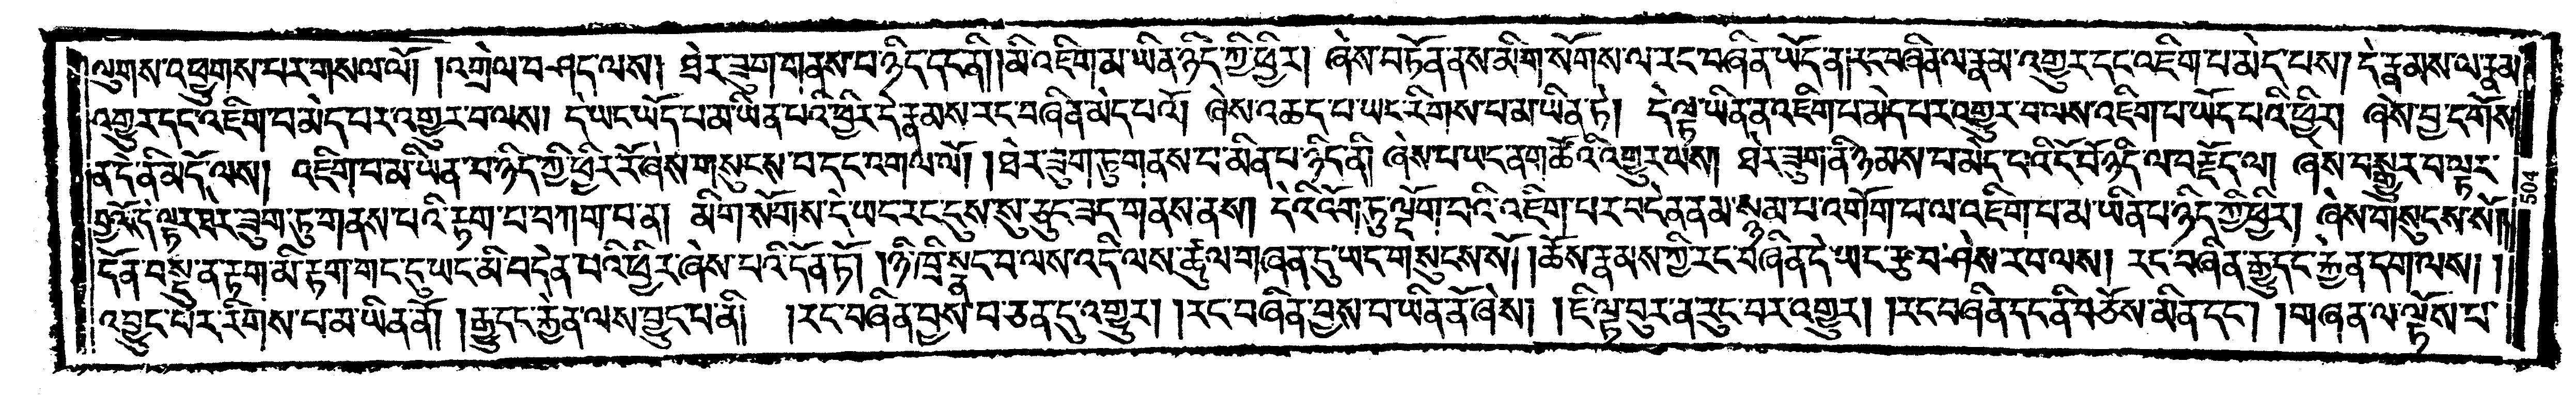ལུགས་འཕྱུགས་པར་གསལ་ལོ། །འགྲེལ་བཤད་ལས། ཐེར་ཟུག་གནས་པ་ཉིད་དང་ནི། །མི་འཇིག་མ་ཡིན་ཉིད་ཀྱི་ཕྱིར། ཞེས་བཏོན་ནས་མིག་སོགས་ལ་རང་བཞིན་ཡོད་ན། རང་བཞིན་ལ་རྣམ་འགྱུར་དང་འཇིག་པ་མེད་པས། དེ་རྣམས་ལ་རྣམ་
འགྱུར་དང་འཇིག་པ་མེད་པར་འགྱུར་བ་ལས། དེ་ཡང་ཡོད་པ་མ་ཡིན་པའི་ཕྱིར་དེ་རྣམས་རང་བཞིན་མེད་པའོ། ཞེས་འཆད་པ་ཡང་རིགས་པ་མ་ཡིན་ཏེ། དེ་ལྟ་ཡིན་ན་འཇིག་པ་མེད་པར་འགྱུར་བ་ལས་འཇིག་པ་ཡོད་པའི་ཕྱིར། ཞེས་བྱ་དགོས་
ན་དེ་ནི་མདོ་ལས། འཇིག་པ་མ་ཡིན་པ་ཉིད་ཀྱི་ཕྱིར་རོ་ཞེས་གསུངས་པ་དང་འགལ་ལོ། །ཐེར་ཟུག་ཏུ་གནས་པ་མིན་པ་ཉིད་ནི། ཞེས་པ་ཡང་ནག་ཚོའི་འགྱུར་ལས། ཐེར་ཟུག་ནི་ཉམས་པ་མེད་པའི་ངོ་བོ་ཉིད་ལ་བརྗོད་ལ། ཞེས་བསྒྱུར་བ་ལྟར་
བྱའོ། །དེ་ལྟར་ཐེར་ཟུག་ཏུ་གནས་པའི་རྟག་པ་བཀག་པ་ན། མིག་སོགས་དེ་ཡང་རང་དུས་སུ་ཅུང་ཟད་གནས་ནས། དེའི་འོག་ཏུ་ལྡོག་པའི་འཇིག་པར་བདེན་ནམ་སྙམ་པ་འགོག་པ་ལ་འཇིག་པ་མ་ཡིན་པ་ཉིད་ཀྱི་ཕྱིར། ཞེས་གསུངས་སོ།།
དོན་བསྡུ་ན་རྟག་མི་རྟག་གང་དུ་ཡང་མི་བདེན་པའི་ཕྱིར་ཞེས་པའི་དོན་ཏོ། །ཉི་ཁྲི་སྣང་བ་ལས་འདི་ལས་ཚུལ་གཞན་དུ་ཡང་གསུངས་སོ། །ཆོས་རྣམས་ཀྱི་རང་བཞིན་དེ་ཡང་རྩ་བ་ཤེས་རབ་ལས། རང་བཞིན་རྒྱུ་དང་རྐྱེན་དག་ལས།།
འབྱུང་བར་རིགས་པ་མ་ཡིན་ནོ། །རྒྱུ་དང་རྐྱེན་ལས་བྱུང་བ་ནི། །རང་བཞིན་བྱས་པ་ཅན་དུ་འགྱུར། །རང་བཞིན་བྱས་པ་ཡིན་ནོ་ཞེས། །ཇི་ལྟ་བུར་ན་རུང་བར་འགྱུར། །རང་བཞིན་དང་ནི་བཅོས་མིན་དང་། །གཞན་ལ་ལྟོས་པ་